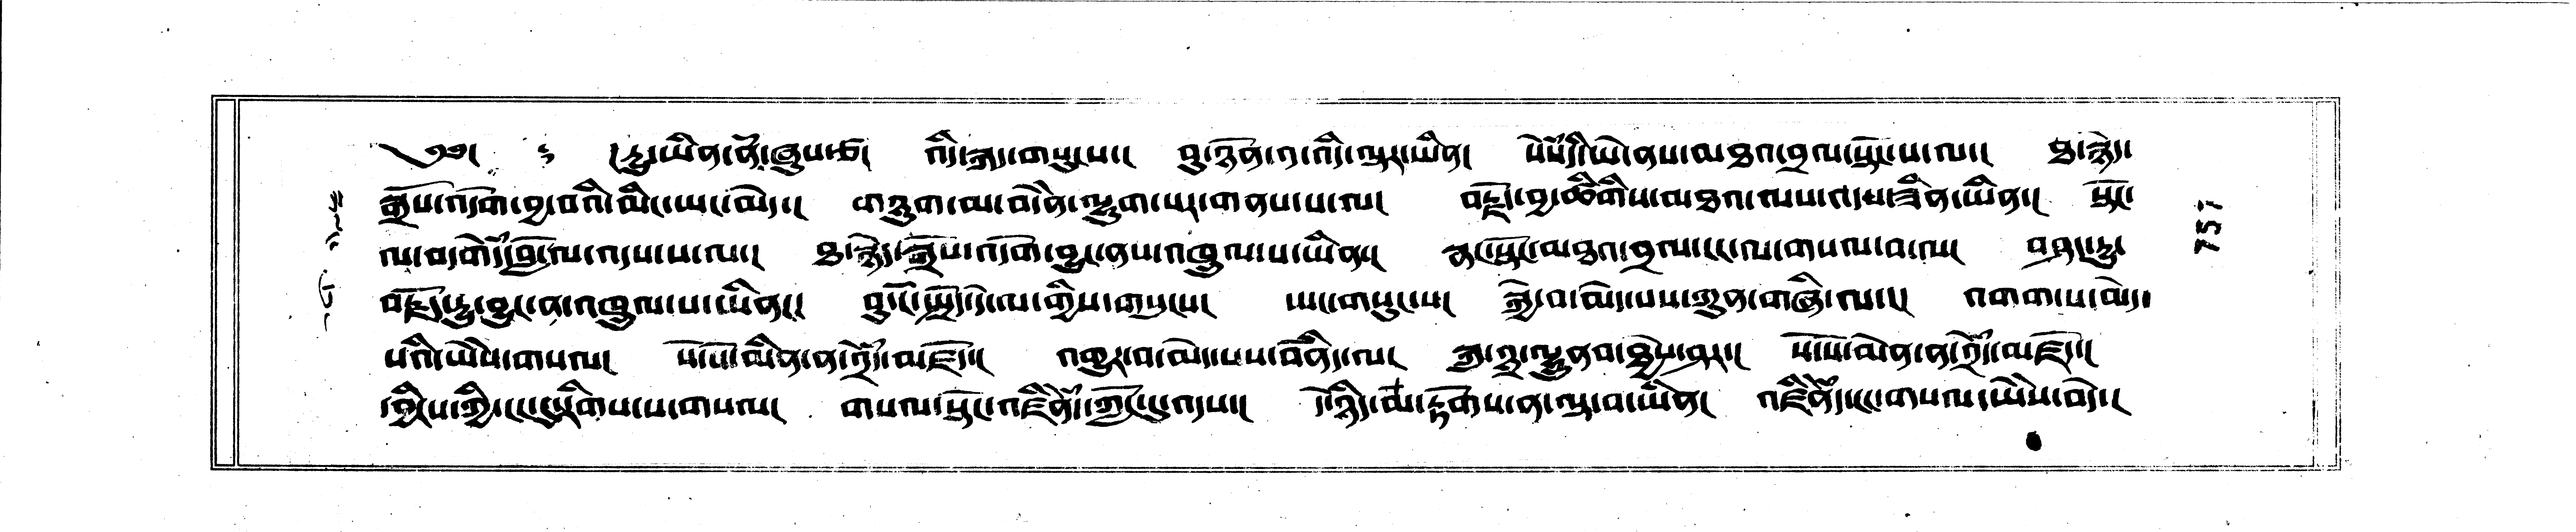རྒྱུ་ཡིན་ནམ་ཞུས་ཙ། འདི་སྐད་གསུངས། བུ་ཉོན་ཅིག་འདི་ལྟར་ཡིན། སེམས་ཉིད་ཡེ་ནས་མཐའ་བྲལ་སྟོང་པ་ལ། །ཐ་སྙད་
སྒྲོས་འདོགས་བྱ་བའི་མིང་ཡང་མེད། །གཉུག་མ་བདེ་ཆེན་ལྷུག་པར་གནས་པ་ལ། །བརྗོད་བྱ་ཚིག་གི་མཐའ་ལས་འདས་ཟིན་ཡིན། །སྟོང་
ལ་བདག་མེད་བློ་ལ་འདས་པ་ལ། །ཐ་སྙད་སྒྲོས་འདོགས་བྱུང་ན་འཁྲུལ་པ་ཡིན། །སྣང་སྟོང་མཐའ་བྲལ་ངང་ལ་གསལ་བ་ལ། །བཤད་རྒྱུ་
བརྗོད་རྒྱུ་བྱུང་ན་འཁྲུལ་པ་ཡིན། །བུ་ངོ་སྤྲོད་དེ་ལ་གྱིས་གསུངས། ཡང་གསུངས་པ། སྐྱེ་བ་མེད་པའི་ཀུན་གཞི་ལ། །འགག་པ་མེད་
པའི་ཡེ་ཤེས་གསལ། །སོ་སོར་མིན་ན་གཉིས་མེད་མཛོད། །འགྱུར་བ་མེད་པའི་བོན་ཉིད་ལ། །སྐུ་གསུམ་ལྷུན་གྲུབ་ཐུགས་རྗེས་ཤར། །སོ་སོར་མིན་ན་གཉིས་མེད་མཛོད། 
།དབྱིངས་ཀྱི་ངང་དུ་རིག་པ་གསལ། །གསལ་སྟོང་འཛིན་མེད་ཀློང་དུ་འདས། །དེ་ཉིད་རྟོགས་ན་ལྟ་བ་ཡིན། འཛིན་མེད་ངང་གསལ་ཡེ་ཤེས་བདེ། །